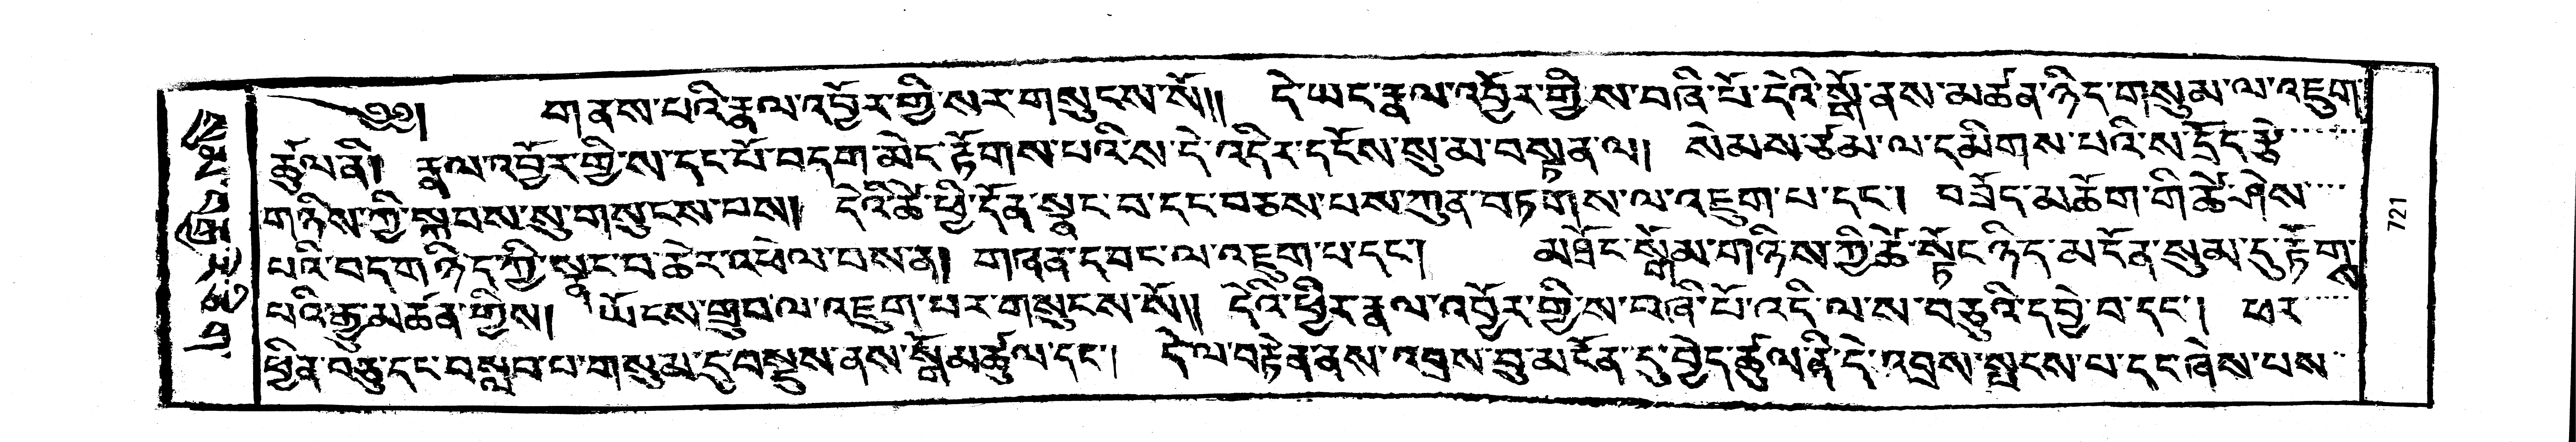༄༅། །གནས་པའི་རྣལ་འབྱོར་གྱི་སར་གསུངས་སོ། །དེ་ཡང་རྣལ་འབྱོར་གྱིས་བཞི་པོ་དེའི་སྒོ་ནས་མཚན་ཉིད་གསུམ་ལ་འཇུག་
ཚུལ་ནི། རྣལ་འབྱོར་གྱི་ས་དང་པོ་བདག་མེད་རྟོགས་པའི་ས་དེ་འདིར་དངོས་སུ་མ་བསྟན་ལ། སེམས་ཙམ་ལ་དམིགས་པའི་ས་དྲོད་རྩེ་
གཉིས་ཀྱི་སྐབས་སུ་གསུངས་པས། དེའི་ཚེ་ཕྱི་དོན་སྣང་བ་དང་བཅས་པས་ཀུན་བཏགས་ལ་འཇུག་པ་དང་། བཟོད་མཆོག་གི་ཚེ་ཤེས་
པའི་བདག་ཉིད་ཀྱི་སྣང་བ་ཆེར་འཕེལ་བས་ན། གཞན་དབང་ལ་འཇུག་པ་དང་། མཐོང་སྒོམ་གཉིས་ཀྱི་ཚེ་སྟོང་ཉིད་མངོན་སུམ་དུ་རྟོགས་
པའི་རྒྱུ་མཚན་གྱིས། ཡོངས་གྲུབ་ལ་འཇུག་པར་གསུངས་སོ། །དེའི་ཕྱིར་རྣལ་འབྱོར་གྱི་ས་བཞི་པོ་འདི་ལ་ས་བཅུའི་དབྱེ་བ་དང་། ཕར་
ཕྱིན་བཅུ་དང་བསླབ་པ་གསུམ་དུ་བསྡུས་ནས་སྒོམ་ཚུལ་དང་། དེ་ལ་བརྟེན་ནས་འབྲས་བུ་མངོན་དུ་བྱེད་ཚུལ་ནི་དེ་འབྲས་སྤངས་པ་དང་ཞེས་པས་